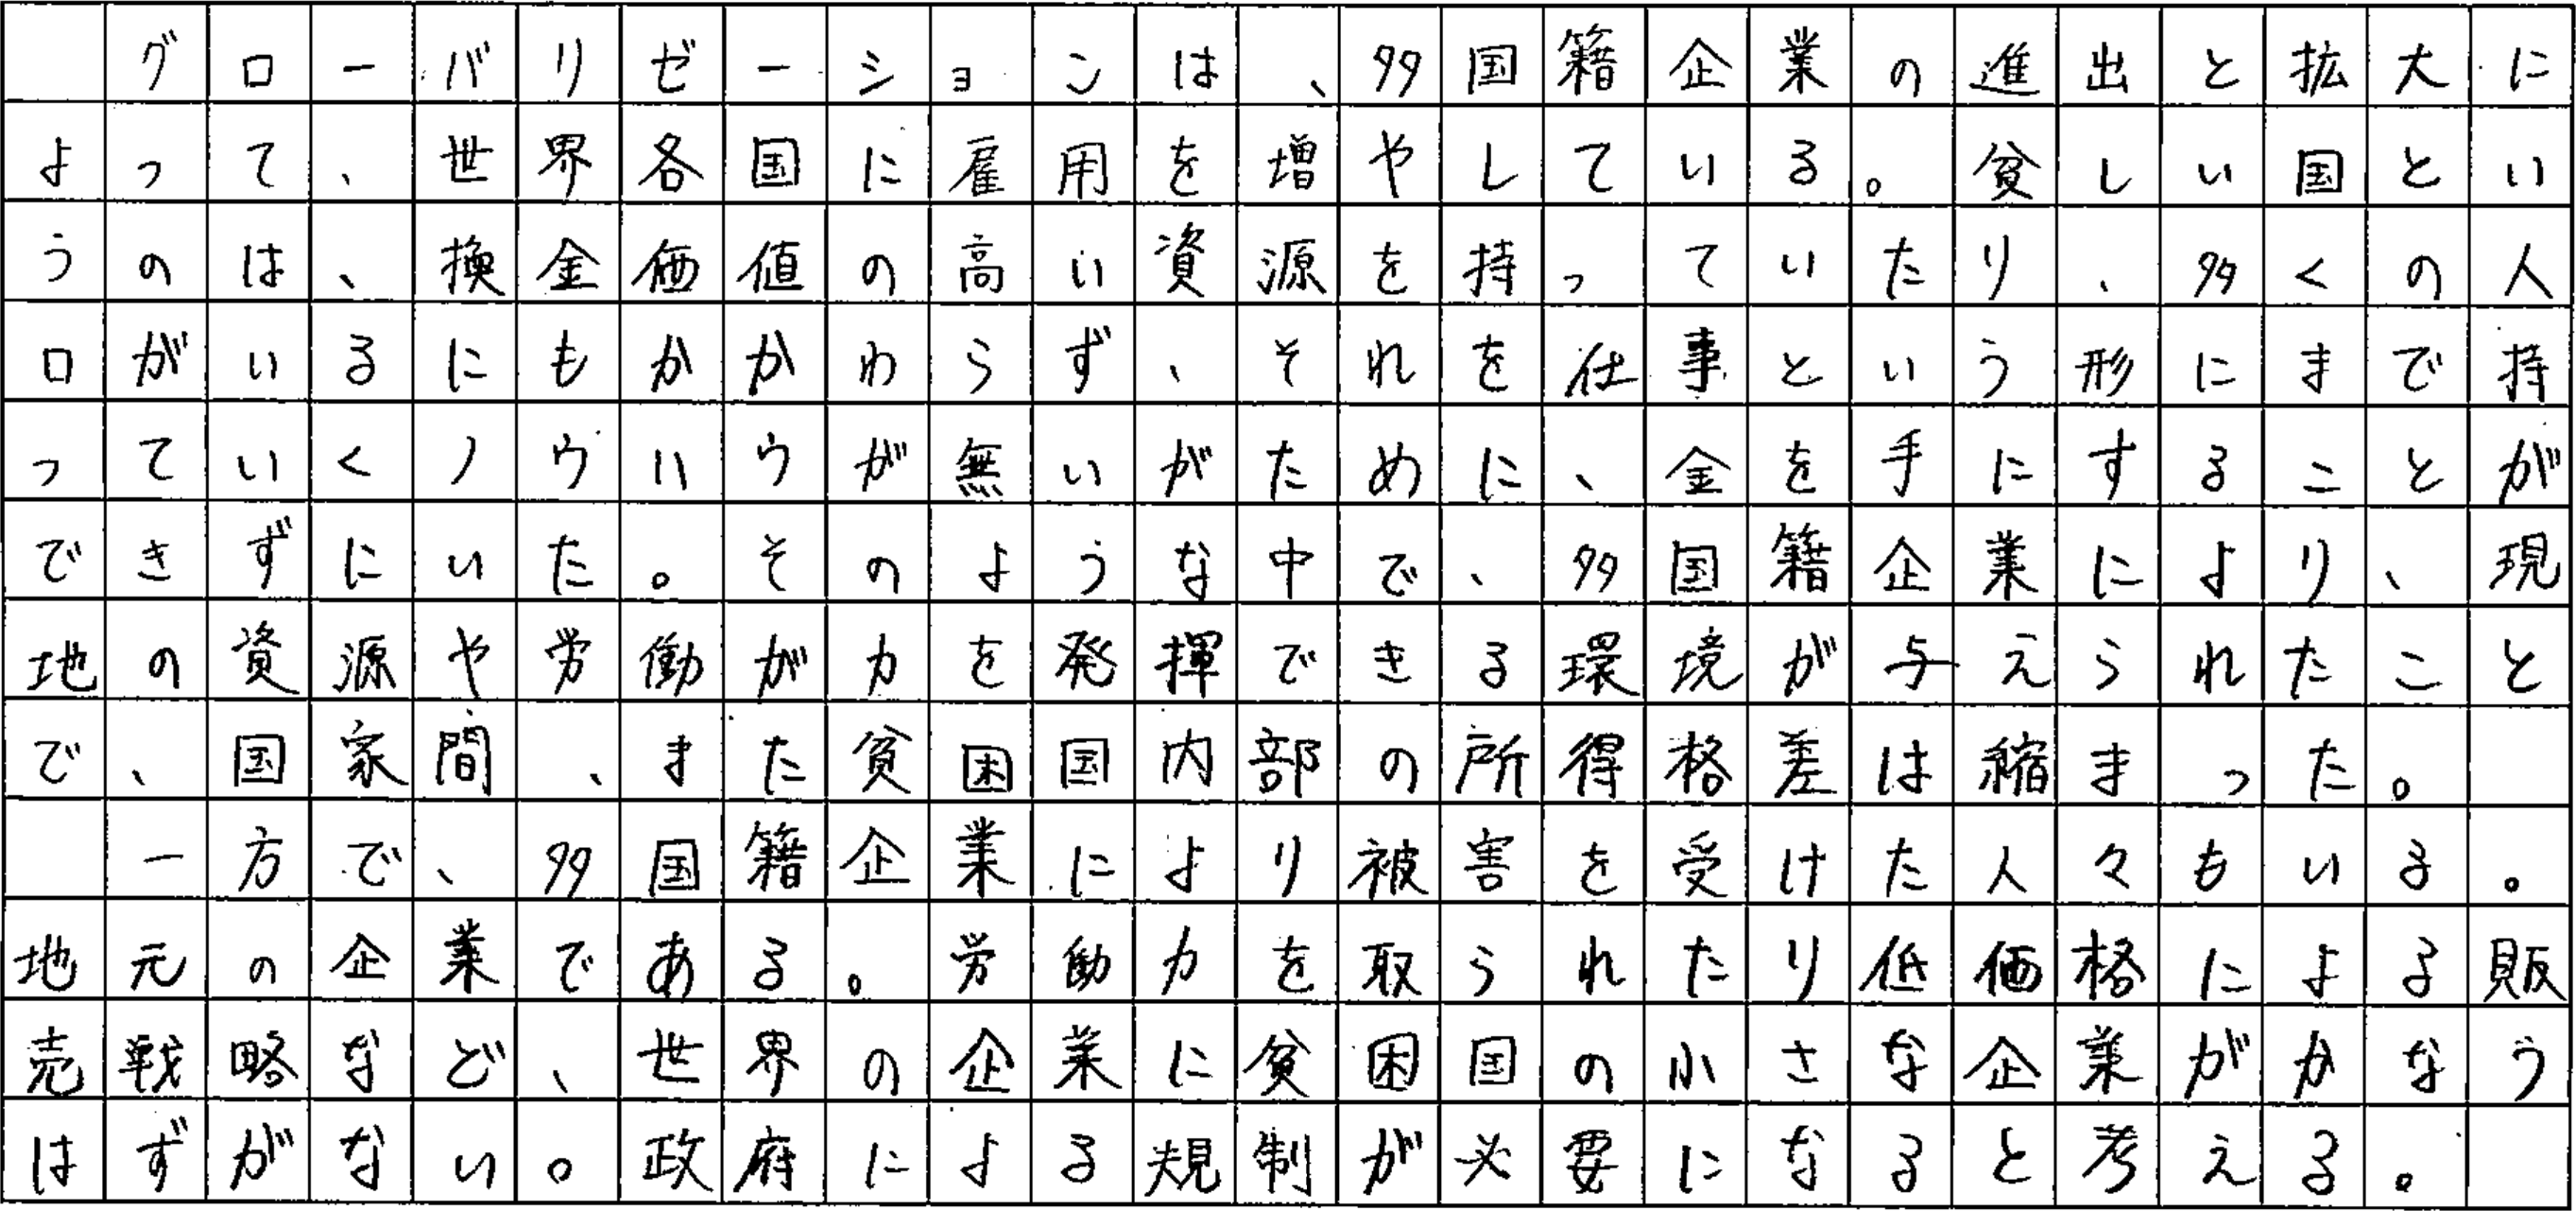　グローバリゼーションは、多国籍企業の進出と拡大によって、世界各国に雇用を増やしている。貧しい国というのは、換金価値の高い資源を持っていたり、多くの人口がいるにもかかわらず、それを仕事という形にまで持っていくノウハウが無いがために、金を手にすることができずにいた。そのような中で、多国籍企業により、現地の資源や労働が力を発揮できる環境が与えられたことで、国家間、また、貧困国内部の所得格差は縮まった。
　一方で、多国籍企業により被害を受けた人々もいる。地元の企業である。労働力を取られたり低価格による販売戦略など、世界の企業に貧困国の小さな企業がかなうはずがない。政府による規制が必要になると考える。
